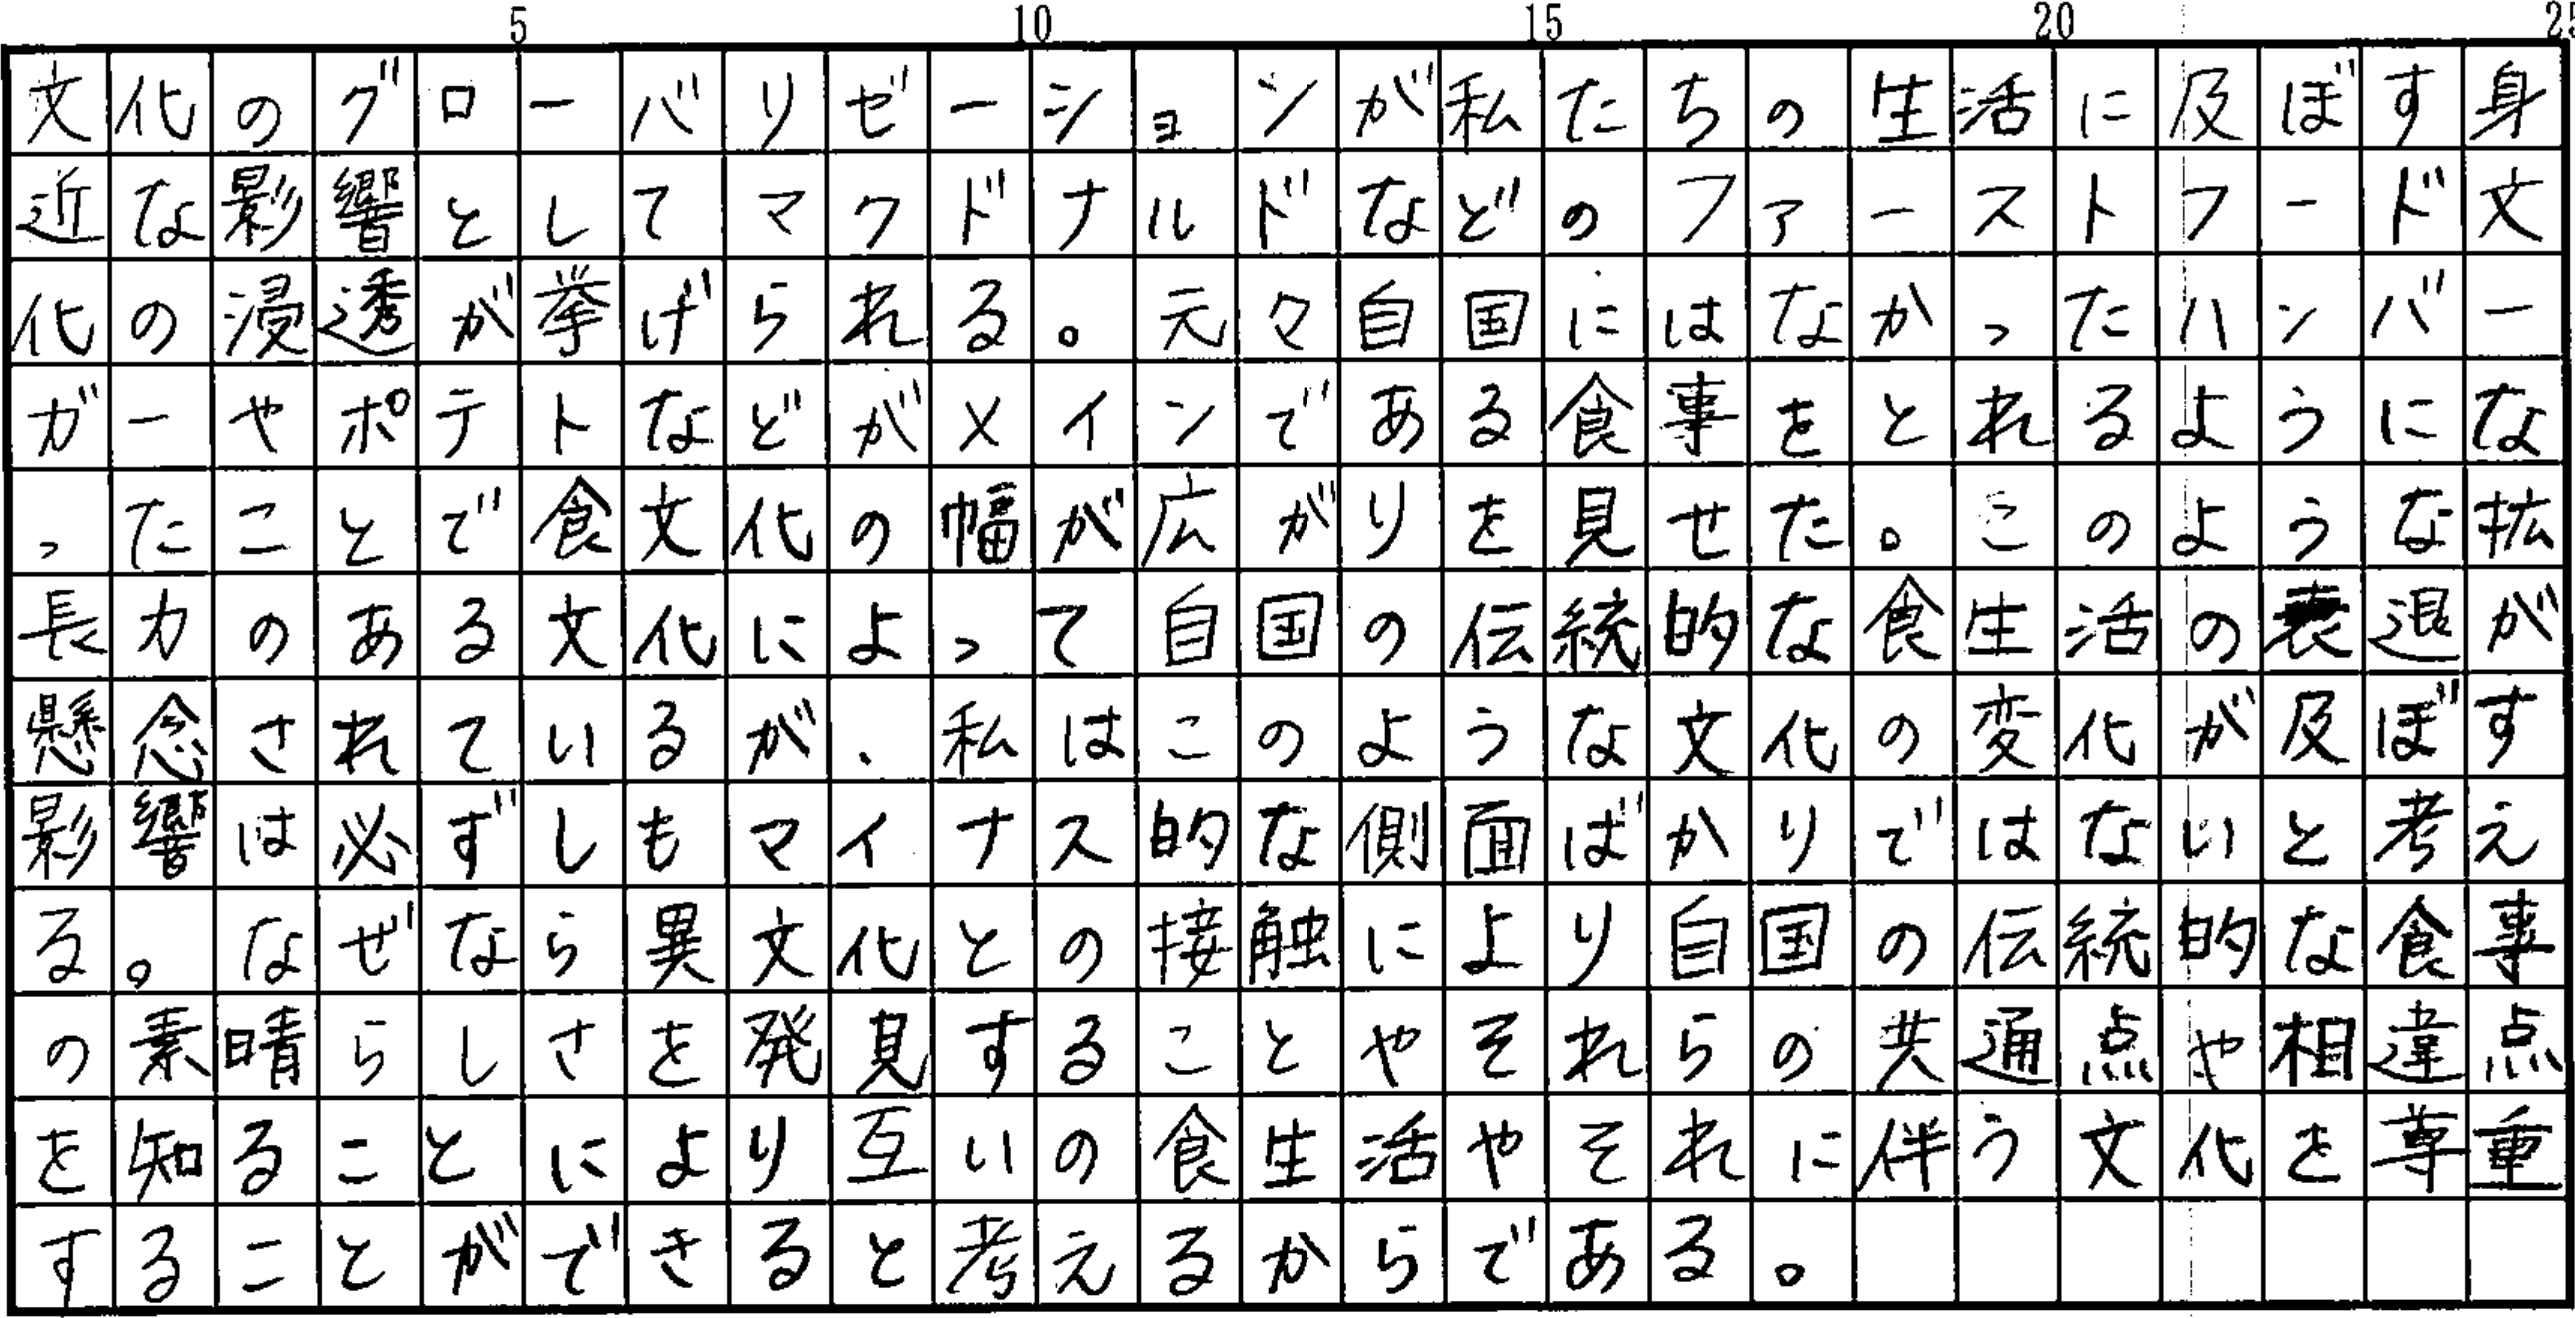文化のグローバリゼーションが私たちの生活に及ぼす身近な影響としてマクドナルドなどのファーストフード文化の浸透が挙げられる。元々自国にはなかったハンバーガーやポテトなどがメインである食事をとれるようになったことで食文化の幅が広がりを見せた。このような拡長力のある文化によって自国の伝統的な食生活の衰退が懸念されているが、私はこのような文化の変化が及ぼす影響は必ずしもマイナス的な側面ばかりではないと考える。なぜなら異文化との接触により自国の伝統的な食事の素晴らしさを発見することやそれらの共通点や相違点を知ることにより互いの食生活やそれに伴う文化を尊重することができると考えるからである。
